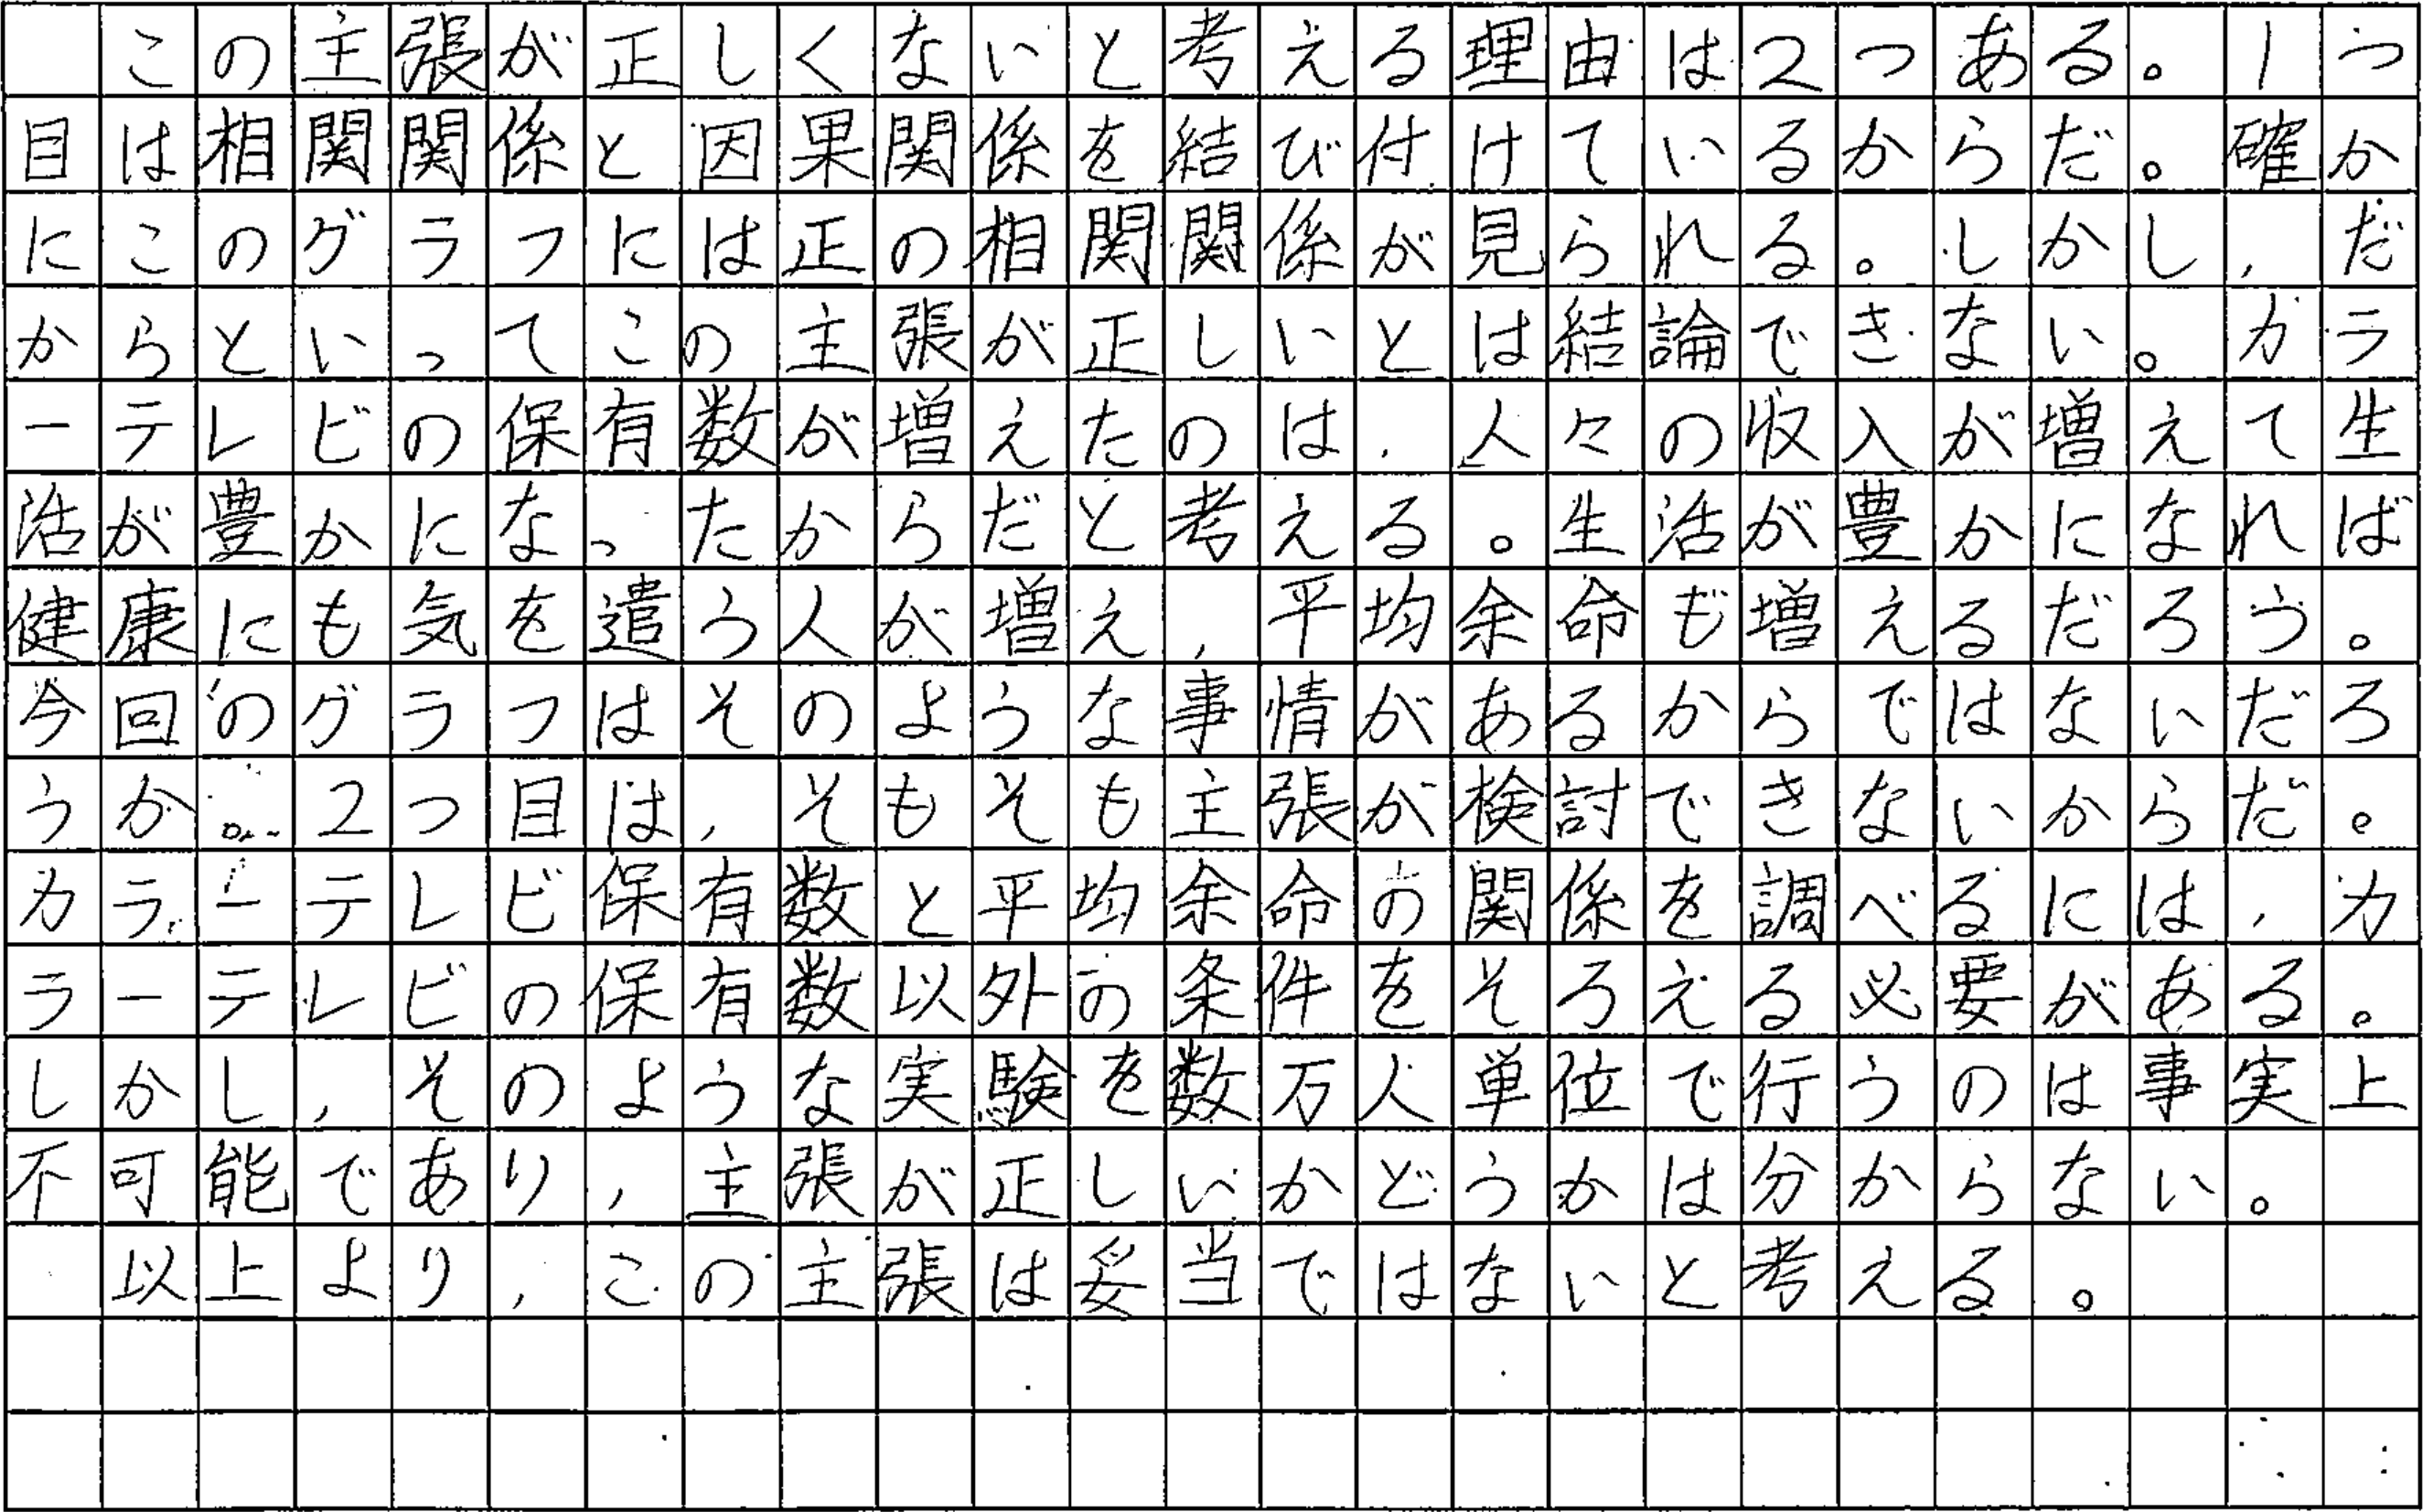　この主張が正しくないと考える理由は２つある。１つ目は相関関係と因果関係を結び付けているからだ。確かにこのグラフには正の相関関係が見られる。しかし、だからといってこの主張が正しいとは結論できない。カラーテレビの保有数が増えたのは、人々の収入が増えて生活が豊かになったからだと考える。生活が豊かになれば健康にも気を遣う人が増え、平均余命も増えるだろう。今回のグラフはそのような事情があるからではないだろうか。２つ目は、そもそも主張が検討できないからだ。カラーテレビ保有数と平均余命の関係を調べるには、カラーテレビの保有数以外の条件をそろえる必要がある。しかし、そのような実験を数万人単位で行うのは事実上不可能であり、主張が正しいかどうかは分からない。
　以上より、この主張は妥当ではないと考える。
